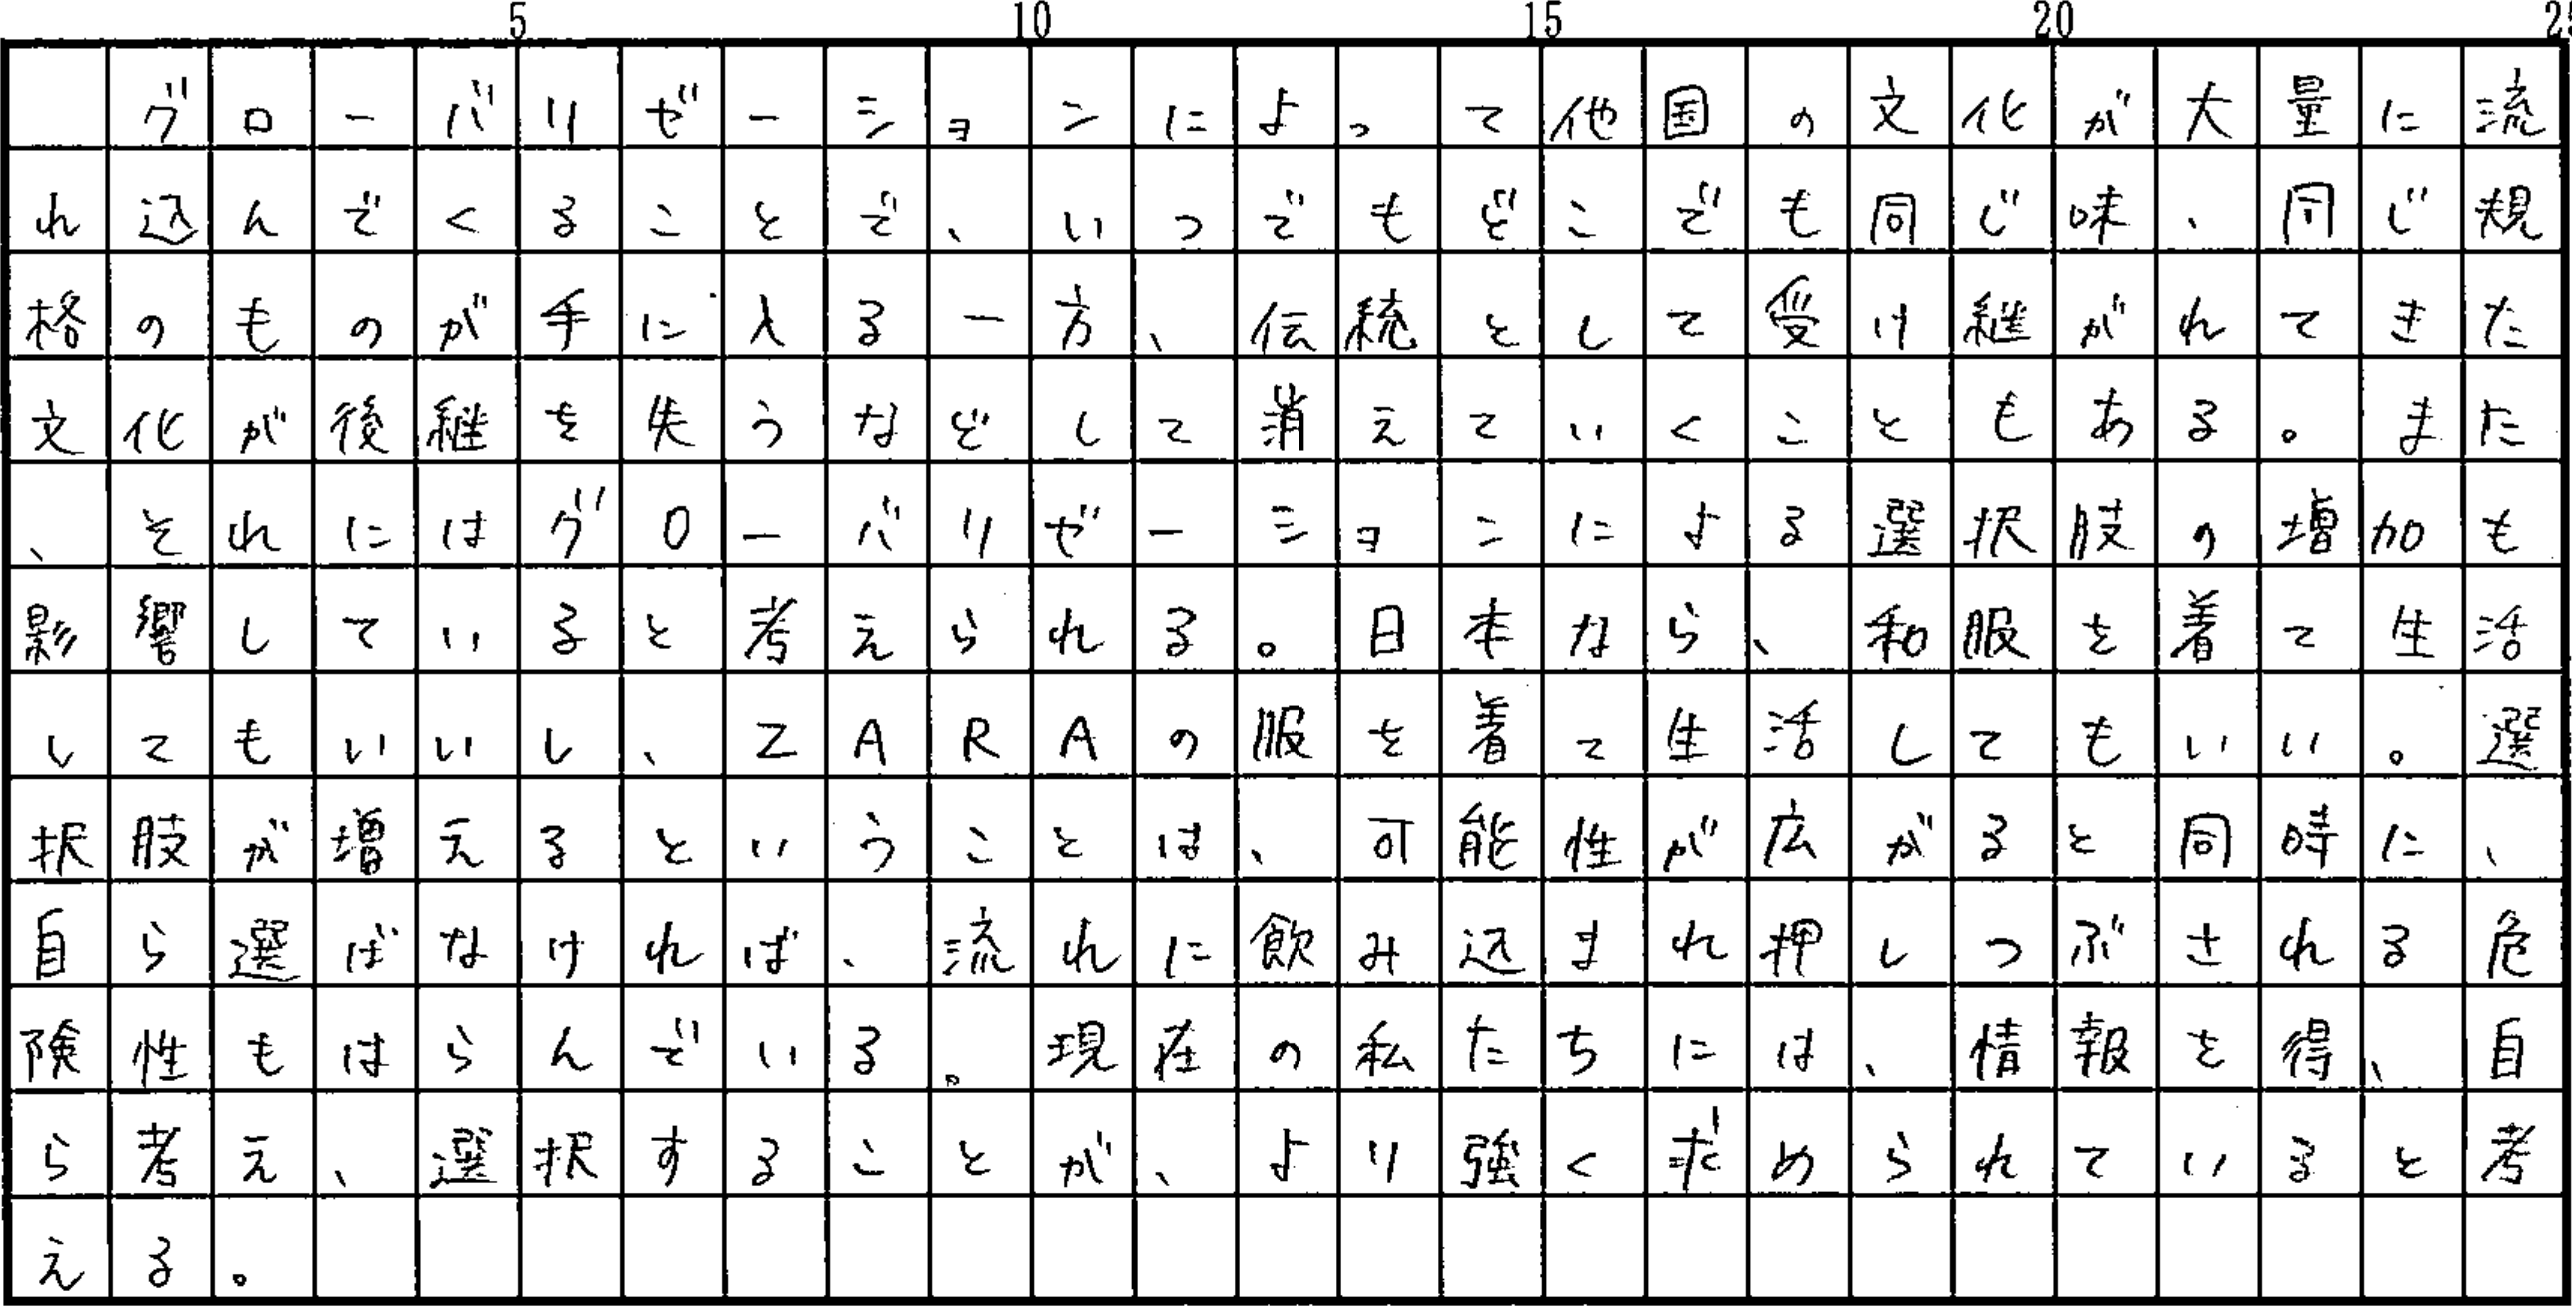　グローバリゼーションによって他国の文化が大量に流れ込んでくることで、いつでもどこでも同じ味、同じ規格のものが手に入る一方、伝統として受け継がれてきた文化が後継を失うなどして消えていくこともある。また、それにはグローバリゼーションによる選択肢の増加も影響していると考えられる。日本なら、和服を着て生活してもいいし、ＺＡＲＡの服を着て生活してもいい。選択肢が増えるということは、可能性が広がると同時に、自ら選ばなければ、流れに飲み込まれ押しつぶされる危険性もはらんでいる。現在の私たちには、情報を得、自ら考え、選択することが、より強く求められていると考える。
